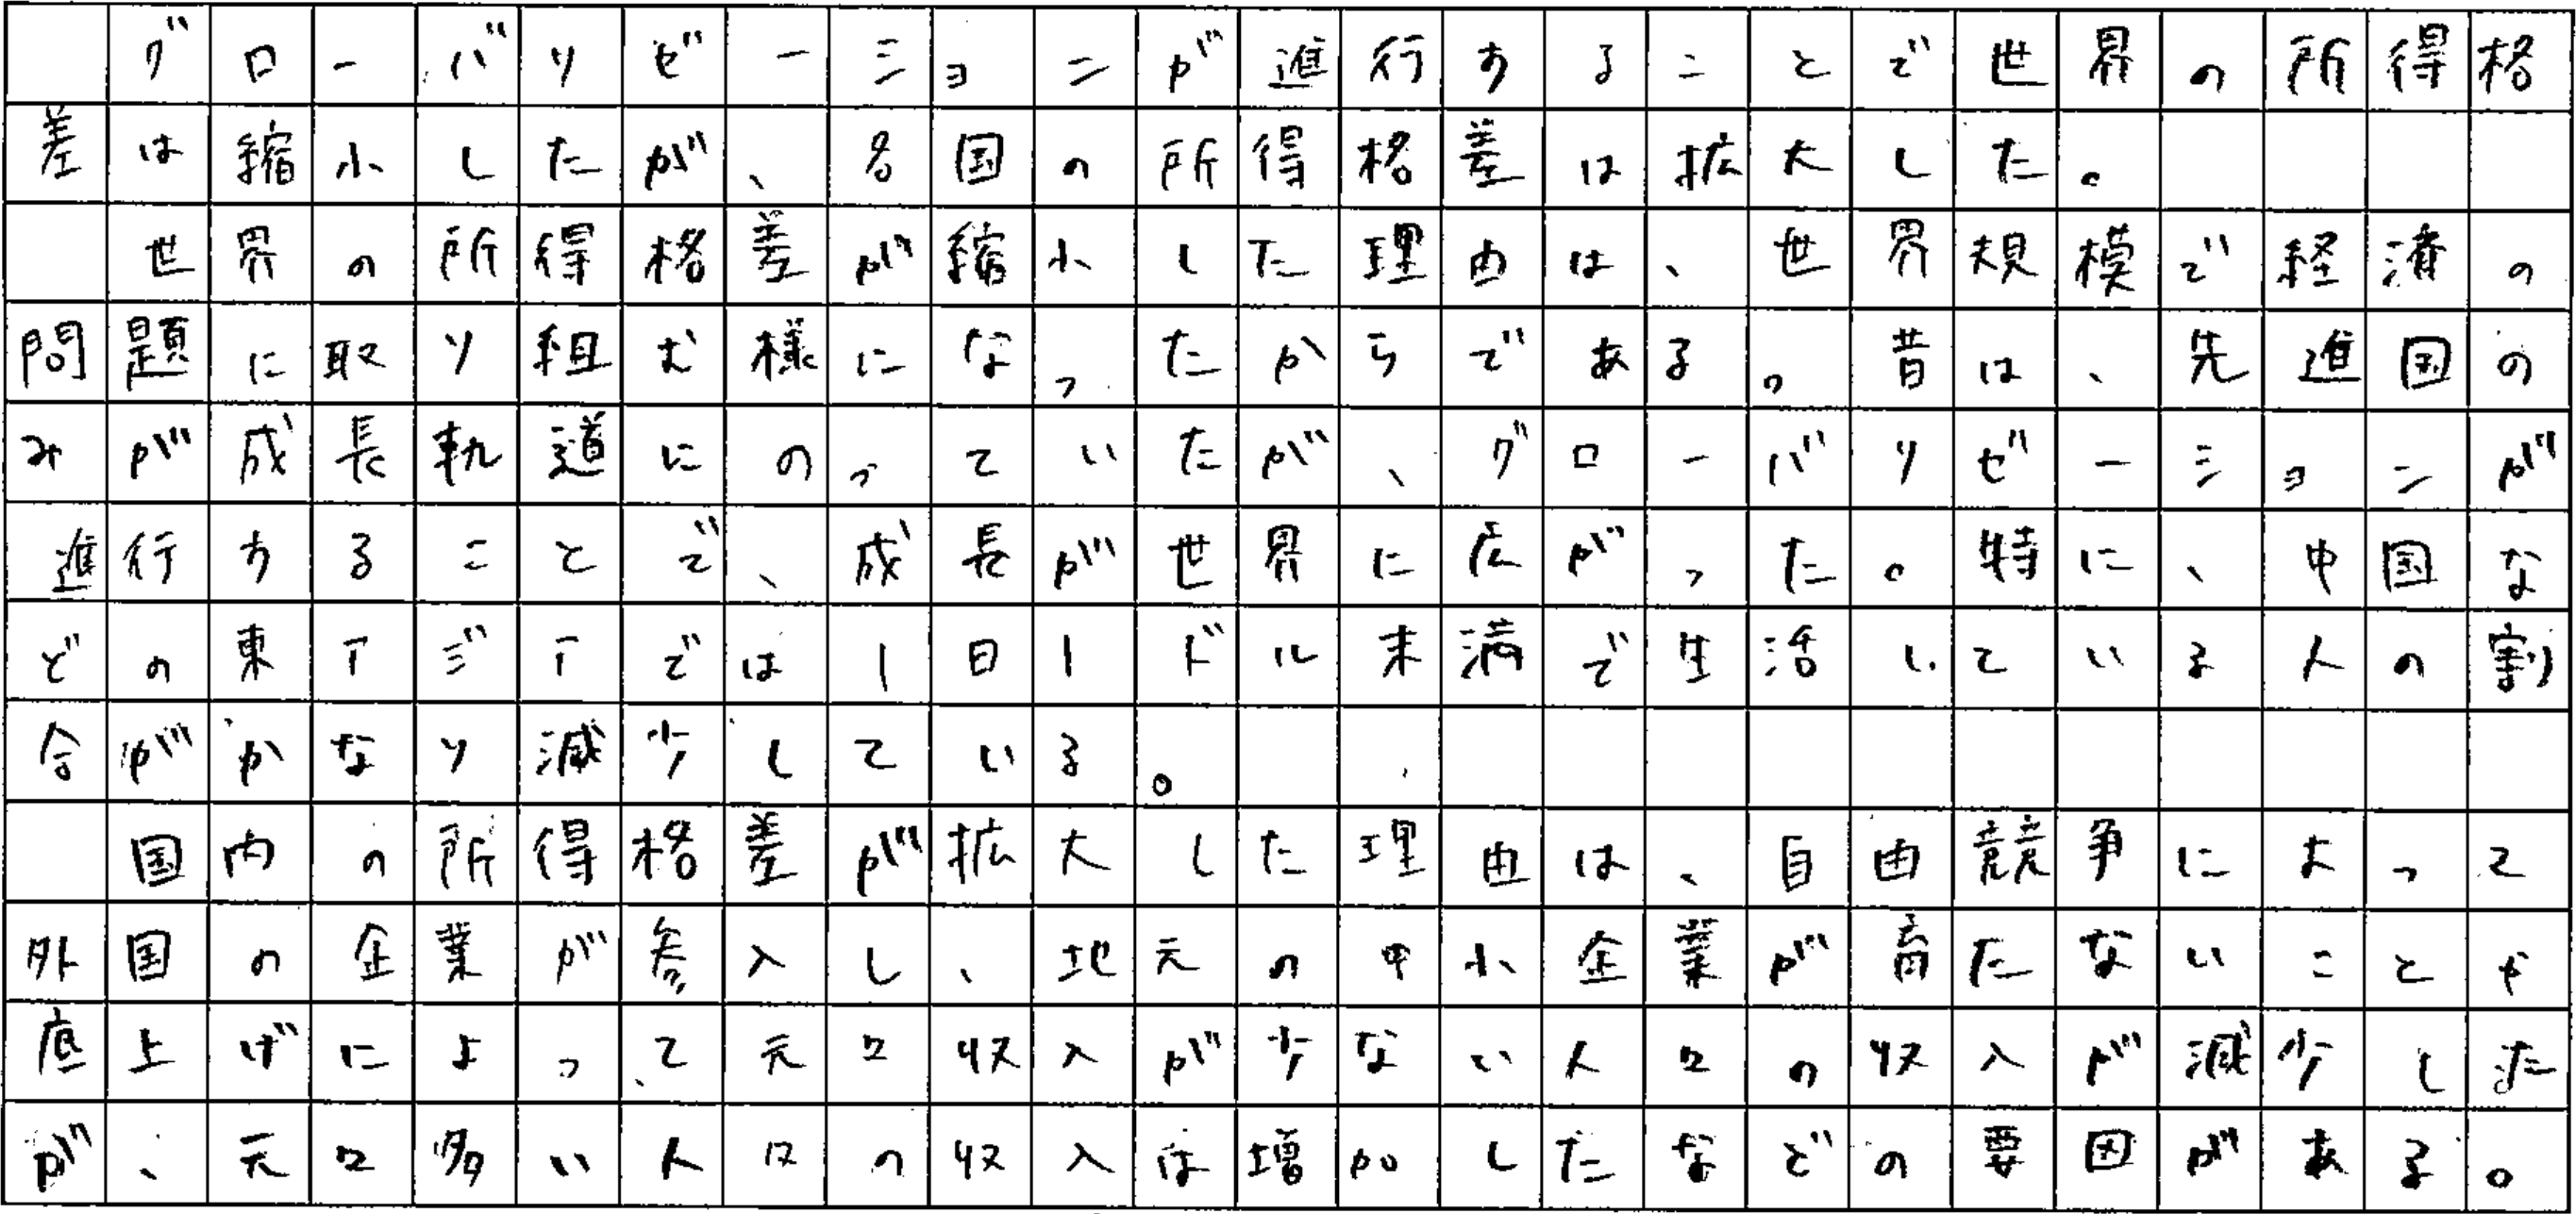　グローバリゼーションが進行することで世界の所得格差は縮小したが、各国の所得格差は拡大した。
　世界の所得格差が縮小した理由は、世界規模で経済の問題に取り組む様になったからである。昔は、先進国のみが成長軌道にのっていたが、グローバリゼーションが進行することで、成長が世界に広がった。特に、中国などの東アジアでは１日１ドル末満で生活している人の割合がかなり減少している。
　国内の所得格差が拡大した理由は、自由競争によって外国の企業が参入し、地元の中小企業が育たないことや底上げによって元々収入が少ない人々の収入が減少したが、元々多い人々の収入は増加したなどの要因がある。
